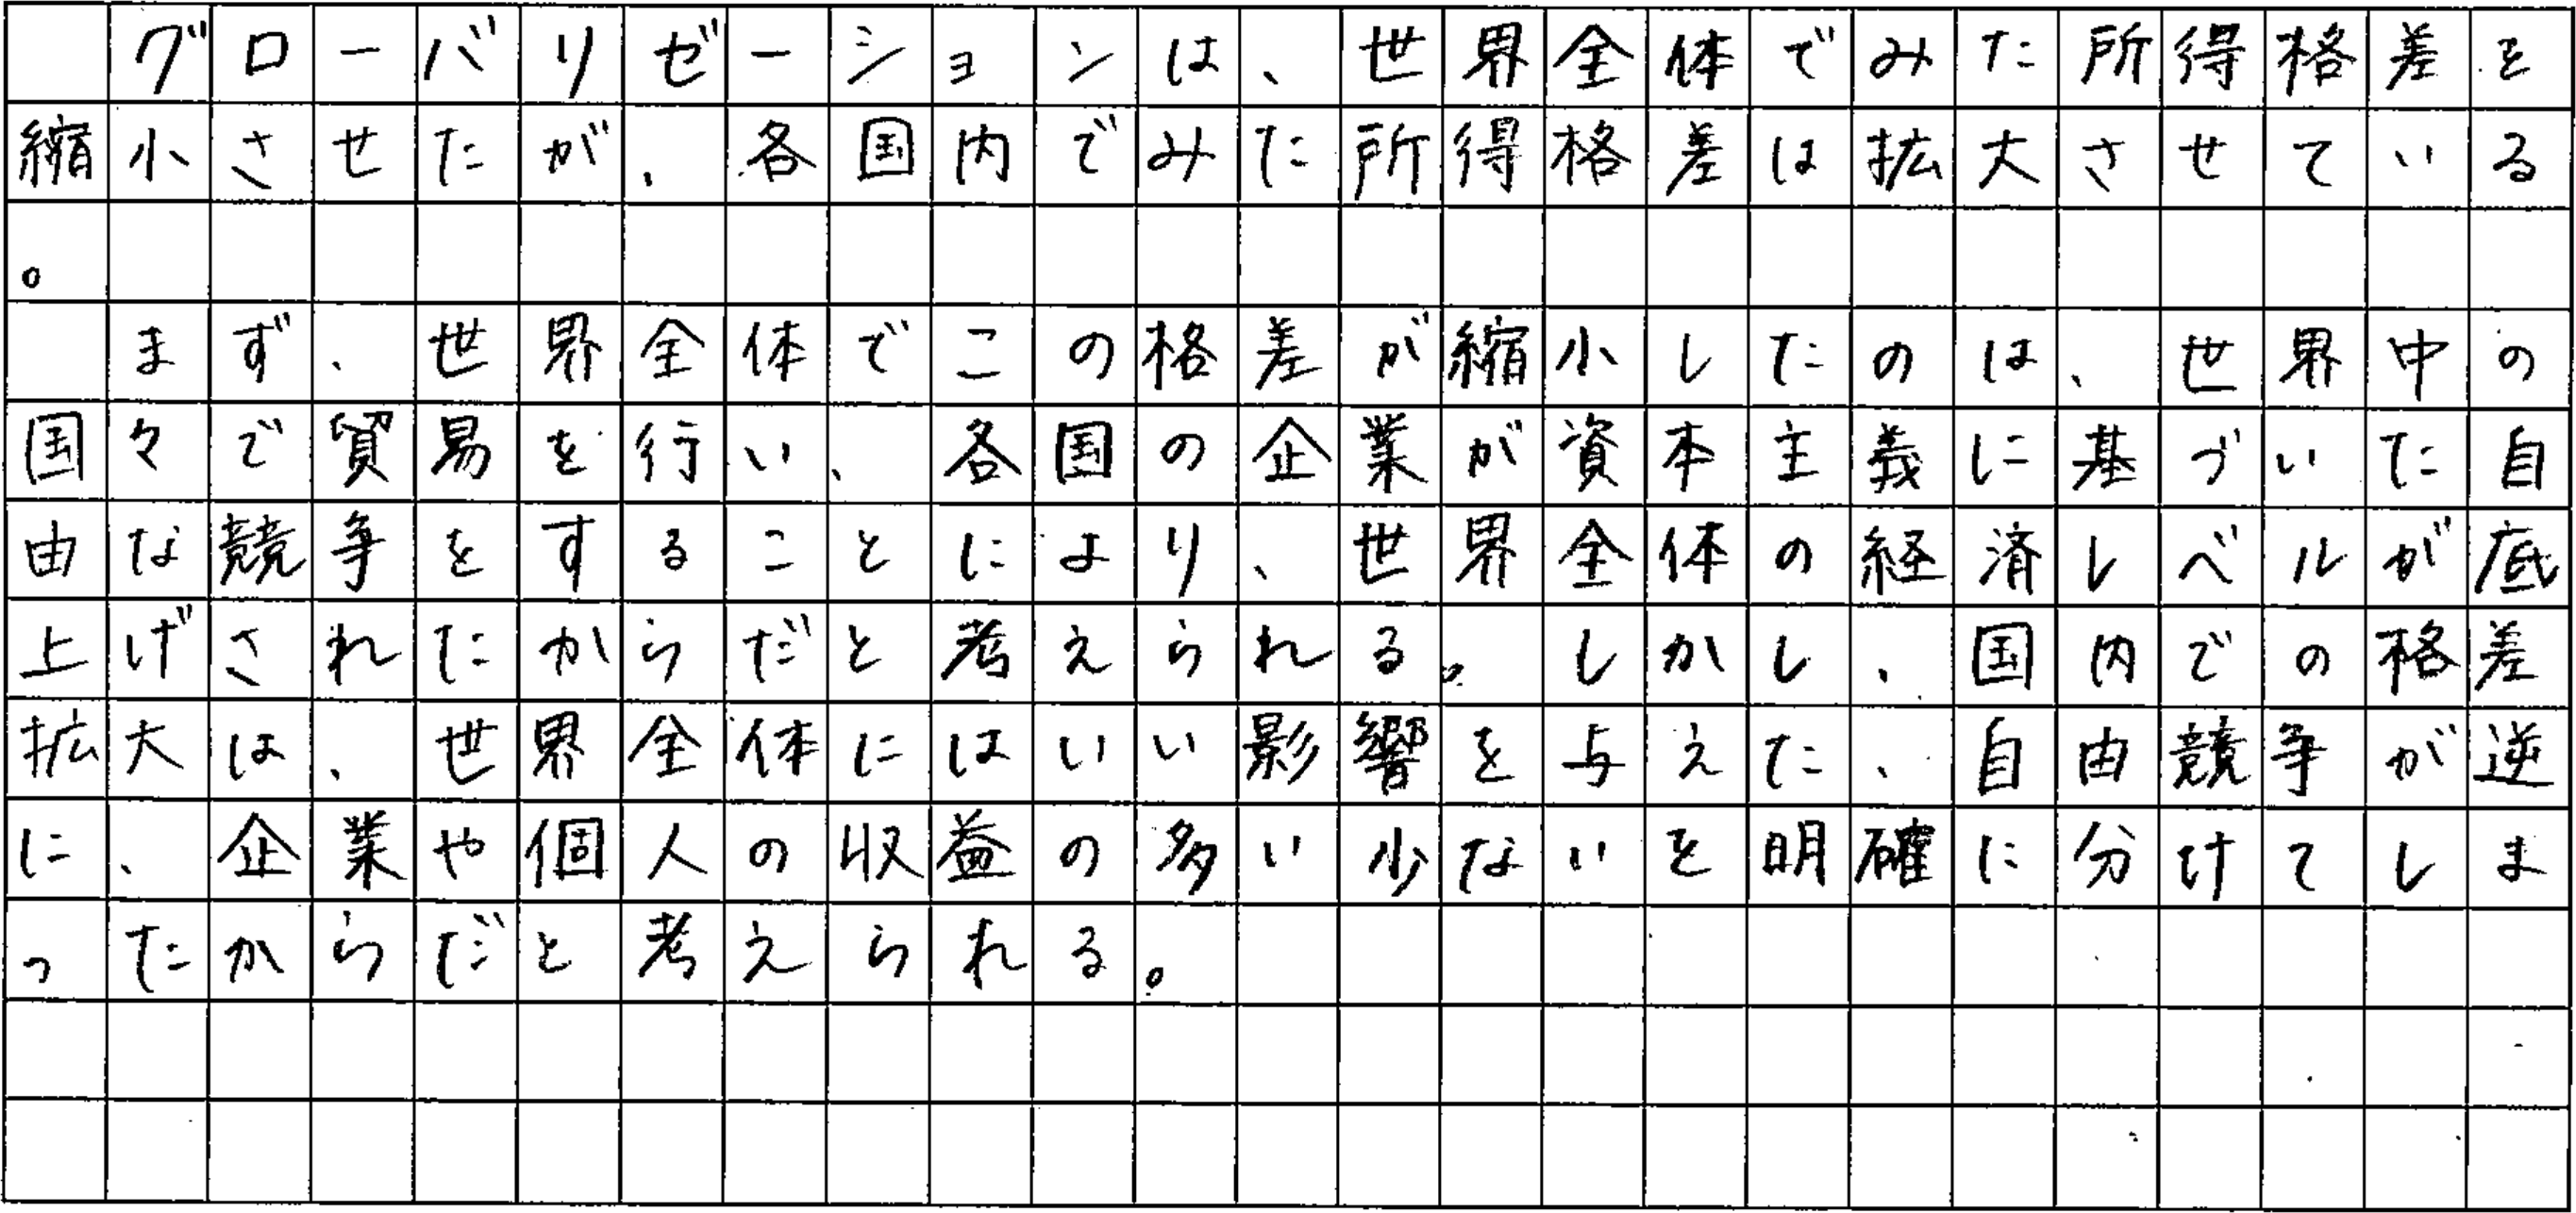　グローバリゼーションは、世界全体でみた所得格差を縮小させたが、各国内でみた所得格差は拡大させている。
　まず、世界全体でこの格差が縮小したのは、世界中の国々で貿易を行い、各国の企業が資本主義に基づいた自由な競争をすることにより、世界全体の経済レベルが底上げされたからだと考えられる。しかし、国内での格差拡大は、世界全体にはいい影響を与えた、自由競争が逆に、企業や個人の収益の多い少ないを明確に分けてしまったからだと考えられる。
